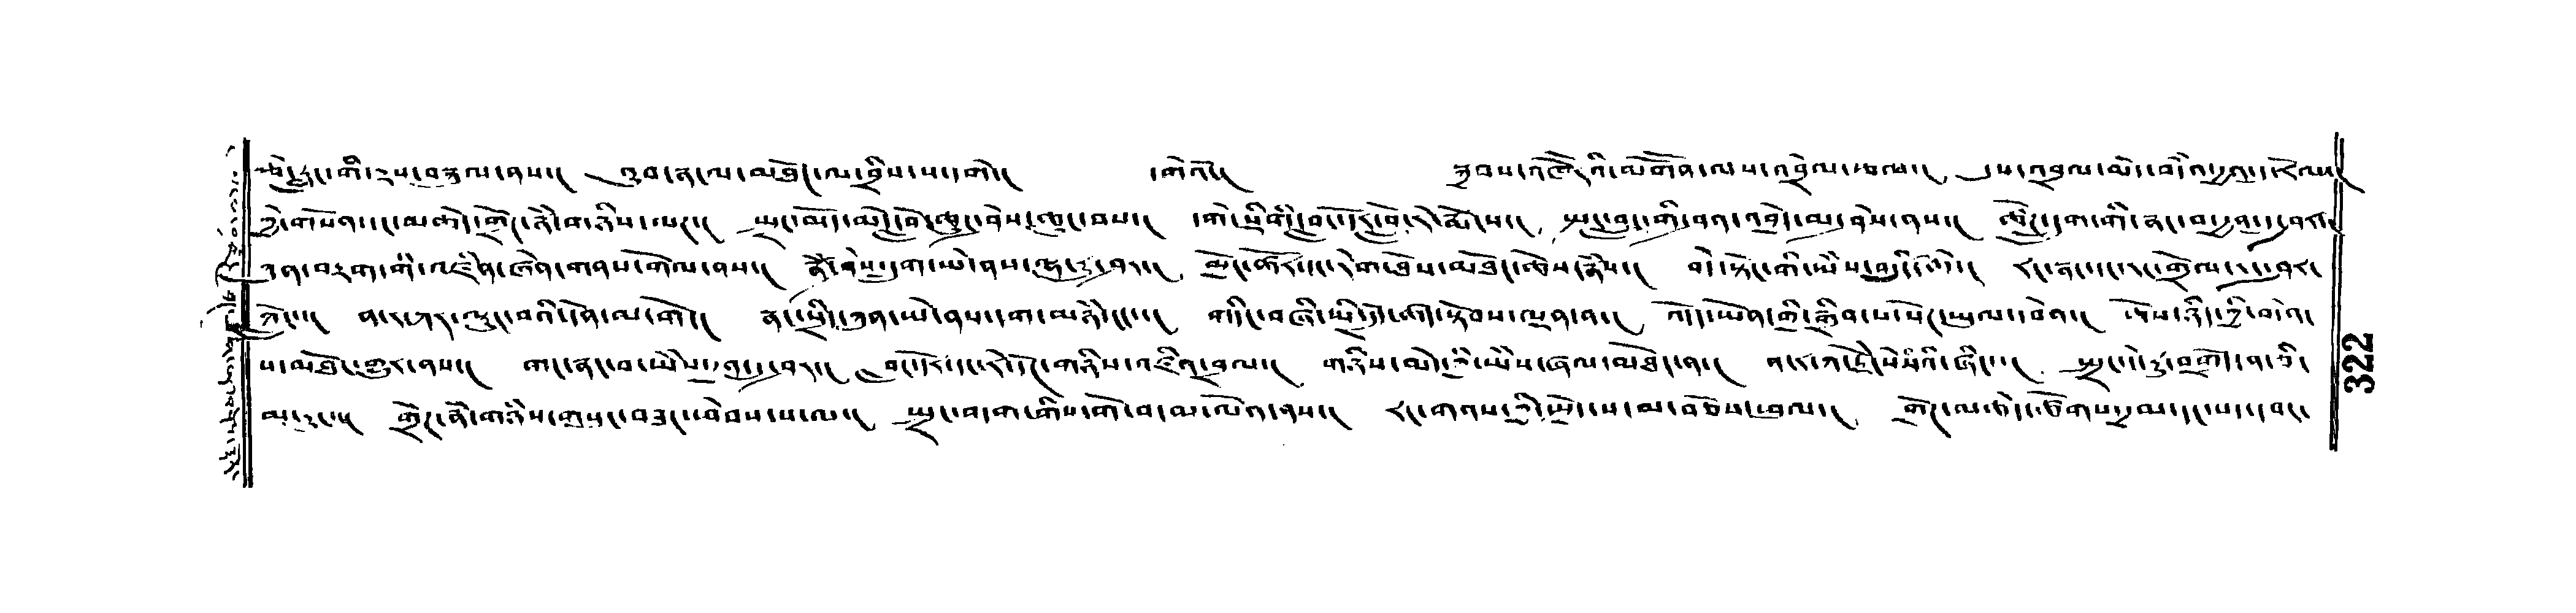རྩེ་རླུང་གི་རྡས་བསྐུལ་ནས། །ནུབ་སྣང་གསལ་མཐོངས་ལ་བྲིས་པ་དགེ དགེའོ།། སྐྱབས་འཁོར་ལོའི་མགོན་པོ་ལས་འབྲེལ་རྩལ། །དུས་འབྲལ་མེད་བདེ་ཆེན་རྒྱན་དུ་རོལ། །
ཀྱཻ་གསོན་དང་མཆེད་གྲོགས་རྣམ་གཉིས་ལགས། །སྤྲང་མདོ་མེད་བློ་ཆུང་ཤེས་ཆུང་བས། །དགེ་སྡིག་གི་བླང་དོར་བློ་རེ་རྨོངས། །སྤང་བླང་གི་ཤན་འབྱེད་མ་ཤེས་ནས། །ཚོགས་དྲུག་གི་སྣང་བ་རྒྱན་དུ་ཤར། །
ཀུན་བརྟགས་ཀྱི་འཛིན་ཞེན་གནས་གོལ་ནས། །རྣམ་ཤེས་དྲུག་ཡེ་ནས་ལྷ་རུ་ཤར། །མྱོང་ཚོར་དང་རེག་ཐོས་མཐོང་ཆོས་རྣམས། །བདེ་སྟོང་གི་ཡེ་ཤེས་བདུད་རྩི་ཆེ། །རང་སྣང་དང་རང་གྲོལ་རང་ཤར་
ཀློང་། །ན་ར་ཀར་ལྟུང་བའི་དོན་མ་གོ།སྣང་སྲིད་ཀུན་ཡེ་ནས་དག་མཉམ་ངང་། །གདིང་བཞི་ཡི་དྲོད་ཚད་སྟོབས་ལྡན་ན། །འདོད་ཡོན་གྱི་སྒྲིབ་པ་སོགས་ཡུལ་གྱི་དབེན། །ཆོས་ཉིད་ཀྱི་བདེན་
པ་མཐོང་གྱུར་ནས། །གང་སྣང་བ་ཡེ་ཤེས་རྒྱན་དུ་ཤར། །བླང་དོར་དང་རེ་དོགས་གཉིས་འཛིན་བྲལ། །གཉིས་མེད་ཀྱི་ཡེ་ཤེས་ཞལ་མཐོང་ན། །ན་ར་ཀ་རྡོ་རྗེ་སེམས་དཔའི་ཞིང་། །སྤྲང་དེ་རུ་བགྲོད་ན་ཅི་
མ་རུང་། །གྲོགས་རྣམ་གཉིས་གསུང་བཟང་ཕེབས་པ་ལ། །སྤྲང་བདག་གིས་གོ་བ་མ་ལོན་ནས། །རང་གནས་ཀྱི་སྤྱོད་པ་མ་བཅོས་ཕུལ། །གྲོགས་མཆེད་ཚོགས་རྒྱམ་དང་པད་དབང་